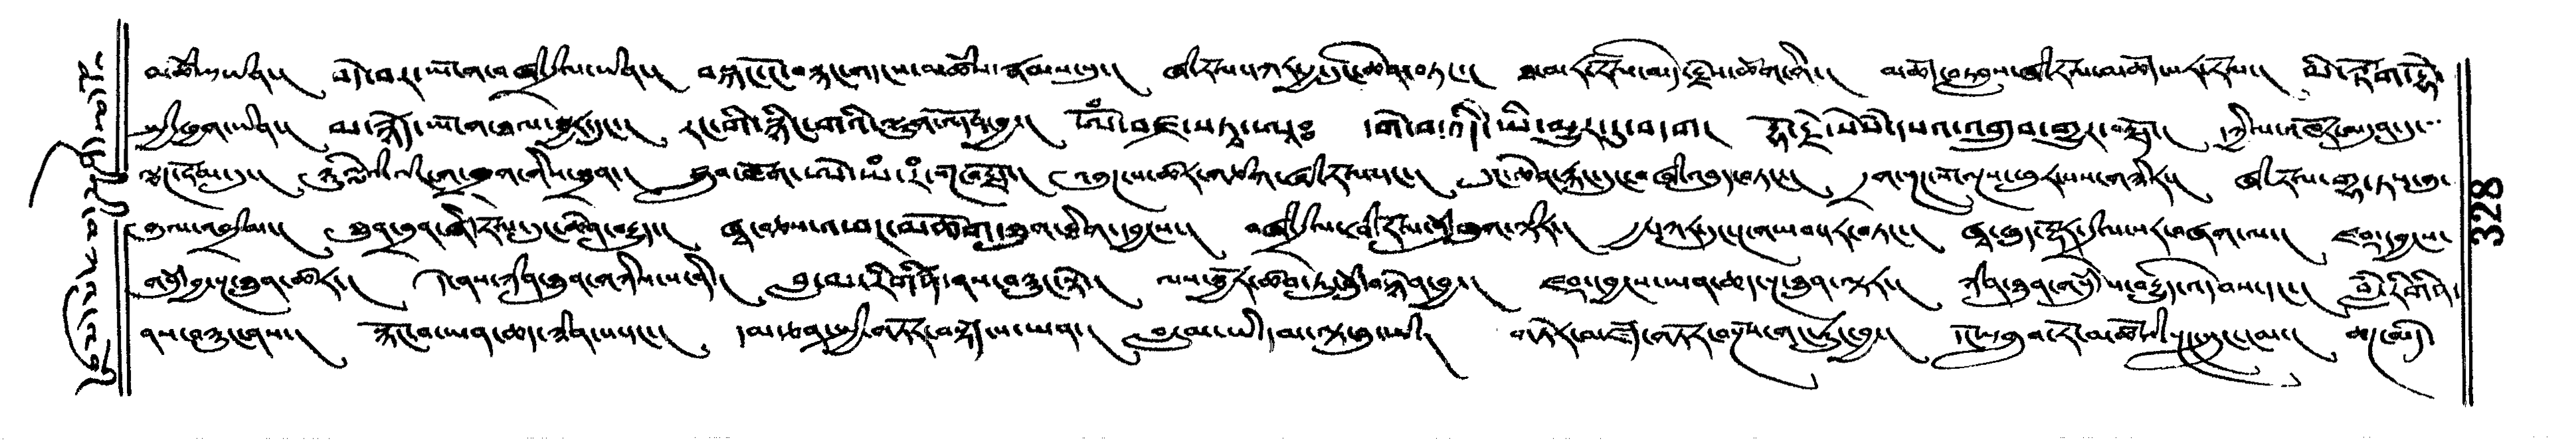མཚམས་ཡིན། །བདེ་བར༴ ཡོ་ག་བཞི་དྲིལ་ཡིན། །བསྐང་ངོ༴ བསྐང་གདངས་མཚམས་རྣམས་སུ། །ཞི་རོལ་དཀར་རྒྱ་དུང་ཆེན་བཏང་། །མཐའ་མར་རོལ་མེད་རྗེས་ཆོག་གི །མཆོད་བརླབ་ཞི་རོལ་མཆོད་པར་རོལ། །མི་རྟོག་རྡོ་རྗེ༴ 
སྤྱི་ཕྱག་ཡིན། མ་རྙེད༴ ཡ ོ་ག་ཐལ་སྦྱར་དུང་། །རང་གི་སྙིང་གའི༴ ལྷུག་འདོན་བྱ། །ཨོཾ་བཛྲ་སཏྭ་ཨཱཿ དགེ་བ་འདི་ཡི་མྱུར་དུ་བདག །རྡོ་རྗེ་སེམས་དཔའ་འགྲུབ་གྱུར༴ བརྗོད། །དཀྱིལ་འཁོར་མདུན་དུ་
ལྕགས་ཧོམ་དུ། །ཉུལླེའི་ལིང་ག་ཁྲག་གིས་བྲན། །སྒྲུབ་ཁོག་ཨེ་ཡྃ་རྃ༴ སོགས་བརྗོད། །འགུགས་པ་ཚར་གཅིག་ཞི་རོལ་དང་། །དུང་ཆེན་རྐང་དུང་བཞི་འབུད་བཏང་། །དྲག་སྔགས་སོ་ལྔ་ཕུར་པས་གཟིར། །ཞི་རོལ་གྷ་ཏ་ས་གུ་
གུལ་འགྲིམ། །ཐུན་བྲན་ཞི་རོལ་དུང་ཆེན་བརྒྱུད། །ཞྭ་བཅས་འཕགས་མཆོག་ཐུགས་རྗེ༴ དབྱངས། །བཞི་དྲིལ་ཞི་རོལ་སུམ་ཁུག་སྦིར། །རྒྱ་དཀར་དུང་ཌཱ་གཡབ་དར་བཏང་། །ཞྭ་ཕུད་རྡོར་དྲིལ་སར་བཞག་ལ། །འཛབ་དབྱངས་
གསུམ་བྱ་སྔ་ཐུན་ཚར། །དེ་ནས་ཉིན་ཐུན་གཉིས་པ་ནི། །བླ་མ་རིག་འཛིན༴ ནས་བཟུང་སྟེ། །ལས་སྦྱོར་ཚབ་ཏུ་བུམ་བསྙེན་བྱ། །འཛབ་དབྱངས་ཡན་ཆད་སྔ་ཐུན་ལྟར། །ཉིན་ཐུན་གསུམ་པ་བརྒྱུད་འདེབས་དང་། །བླ་མ་རིག་འཛིན༴ 
ནས་བཟུང་ནས། །སྐོང་བ་ཡན་ཆད་ཟིན་པ་དང་། །དམ་ཅན་སྤྱི་གཏོར་བསྟོད་པ་ཡན། །བླ་མ་ཡི་དམ་ལྟ་བུ་ཡི། །གཏེར་མཛོད་གཏོར་བསྔོས་གང་རུང་བྱ། །དངོས་གྲུབ་རོལ་མཚོའི་སྔགས་སྲུང་ངམ། །ཆགས་མེད་